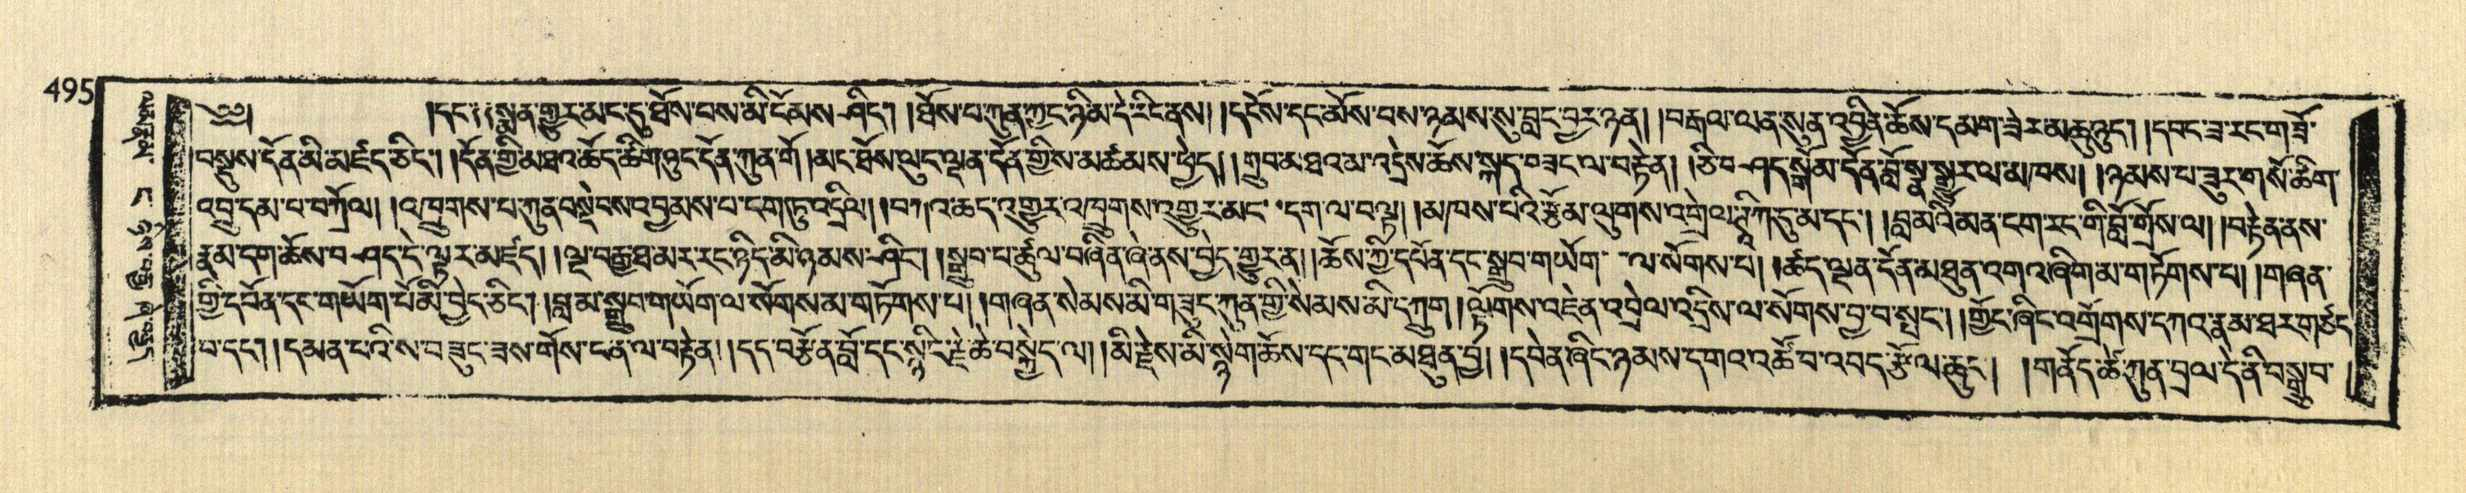༄༅། །དང༑ ༑སྨན་གྱུར་མང་དུ་ཐོས་བས་མི་ངོམས་ཤིང་། །ཐོས་པ་ཀུན་ཀྱང་ཉི་མ་དེ་རིང་ནས། །དངོས་དང་མོས་བས་ཉམས་སུ་བླང་བྱར་ཉན། །བརྒལ་ལན་སུན་འབྱིན་ཆོས་དམག་ཟེར་མཆུ་ཉུང་། །དབང་ཟ་རང་གཟོ་
བསྡུས་དོན་མི་མཛད་ཅིང་། །དོན་གྱི་མཐའ་ཆོད་ཚིག་ཉུང་དོན་ཀུན་གོ །མང་ཐོས་ལུང་ལྡན་དོན་གྱིས་མཚམས་ཕྱེད། །གྲུབ་མཐའ་མ་འདྲེས་ཆོས་སྐད་བཟང་ལ་བརྟེན། །ཅི་བཤད་སྒོམ་དོན་བློ་སྣ་སྒྱུར་ལ་མཁས། །ཉམས་པ་ཟུར་གསོ་ཚིག་
འབྲུ་དམ་པ་བཀྲོལ། །འཁྲུགས་པ་ཀུན་བསྡེབས་འབྱམས་པ་དག་ཏུ་འདྲིལ། །བཀའ་ཆད་འགྱུར་འཁྲུགས་འགྱུར་མང་དག་ལ་བལྟ། །མཁས་པའི་རྩོམ་ལུགས་འགྲེལ་ཊཱིཀ་དུ་མ་དང་། །བླ་མའི་མན་ངག་རང་གི་བློ་གྲོས་ལ། །བརྟེན་ནས་
རྣམ་དག་ཆོས་བཤད་དེ་ལྟར་མཛད། །ལྔ་བརྒྱ་ཐ་མར་རང་ཉིད་མི་ཉམས་ཤིང་། །སྒྲུབ་པ་ཚུལ་བཞིན་ཞེ་ནས་བྱེད་གྱུར་ན། །ཆོས་ཀྱི་དཔོན་དང་སྒྲུབ་གཡོག་ལ་སོགས་པ། །ཚད་ལྡན་དོན་མཐུན་དགའ་ཞིག་མ་གཏོགས་པ། །གཞན་
གྱི་དཔོན་དང་གཡོག་པོ་མི་བྱེད་ཅིང་། །བླ་མ་སྒྲུབ་གཡོག་ལ་སོགས་མ་གཏོགས་པ། །གཞན་སེམས་མི་གཟུང་ཀུན་གྱི་སེམས་མི་དཀྲུག། །ལྟོས་འཇེན་འབྲེལ་འདྲིས་ལ་སོགས་བྱ་བ་སྤང་། །གྱོང་ཞིང་འགྲོགས་དཀའ་རྣམ་ཐར་གཙང་
པ་དང་། །དམན་པའི་ས་བཟུང་ཟས་གོས་ངན་ལ་བརྟེན། །དད་བརྩོན་བློ་དང་སྙིང་རྗེ་ཆེ་བསྐྱེད་ལ། །མི་རྗེས་མི་སྙེག་ཆོས་དང་གང་མཐུན་བྱ། །དབེན་ཞིང་ཉམས་དགའ་འཚོ་བ་འབད་རྩོལ་ཆུང་། །གནོད་ཚེ་ཀུན་བྲལ་དེ་ནི་བསྒྲུབ་